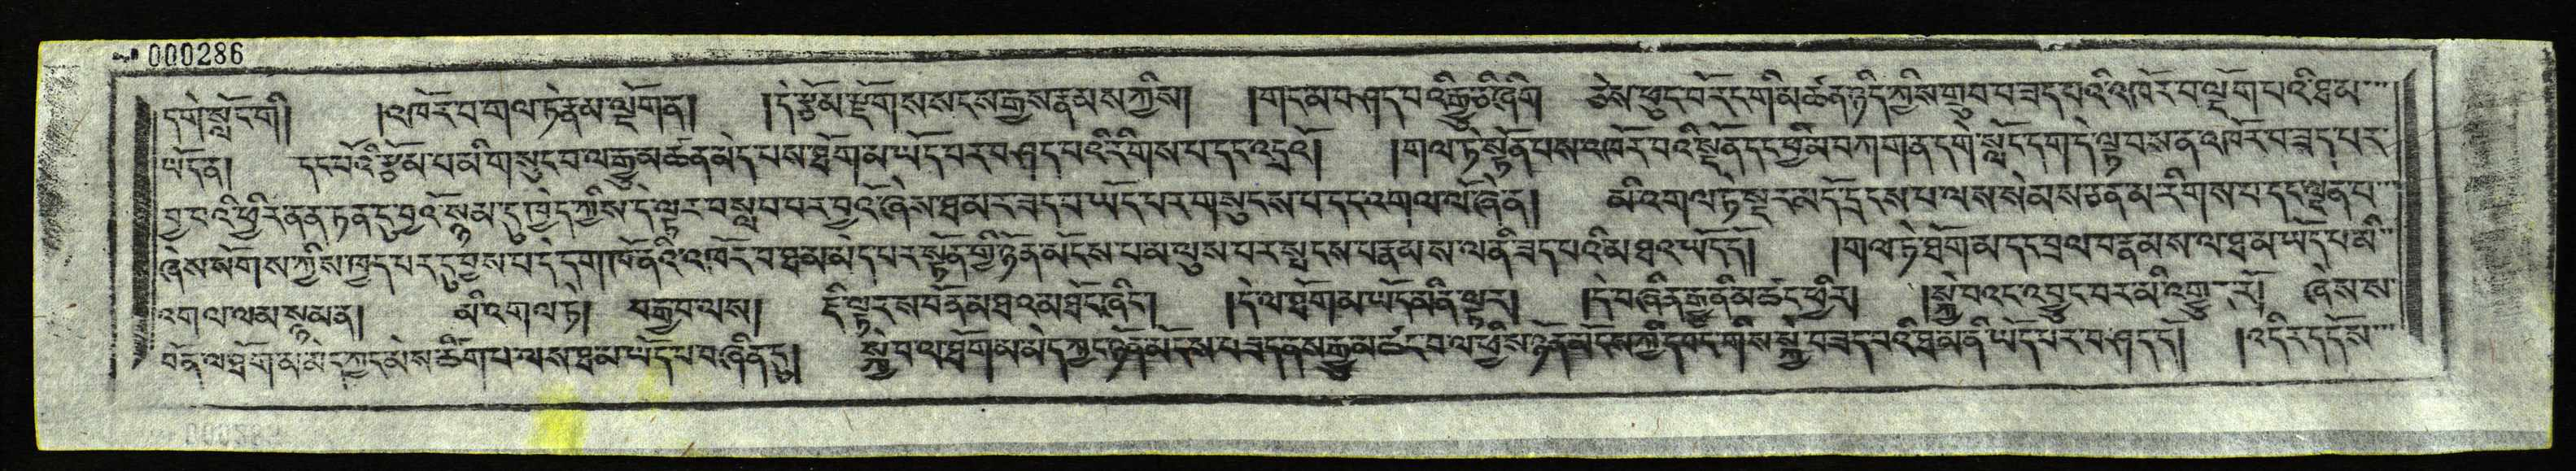དགེ་སློང་གི། །འཁོར་བ་གལ་ཏེ་རྣམ་ལྡོག་ན། །དེ་རྩོམ་རྫོགས་སངས་རྒྱས་རྣམས་ཀྱིས། །གང་མ་བཤད་པའི་རྒྱུ་ཅི་ཞིག་ཅེས་ཕུང་པོ་རང་གི་མཚན་ཉིད་ཀྱིས་གྲུབ་པ་ཟད་པའི་འཁོར་བ་ལྡོག་པའི་ཐ་མ་
ཡོད་ན། དང་པོའི་རྩོམ་པ་མི་གསུང་བ་ལ་རྒྱུ་མཚན་མེད་པས་ཐོག་མ་ཡོད་པར་བཤད་པའི་རིགས་པ་དང་འདྲའོ། །གལ་ཏེ་སྟོན་པས་འཁོར་བའི་སྔོན་དང་ཕྱི་མ་བཀག་ན་དགེ་སློང་དག་དེ་ལྟ་བས་ན་འཁོར་བ་ཟད་པར་
བྱ་བའི་ཕྱིར་ནན་ཏན་དུ་བྱའོ་སྙམ་དུ་ཁྱེད་ཀྱིས་དེ་ལྟར་བསླབ་པར་བྱའོ་ཞེས་ཐ་མར་ཟད་པ་ཡོད་པར་གསུངས་པ་དང་འགལ་ལོ་ཞེ་ན། མི་འགལ་ཏེ་སྔར་མདོ་དྲངས་པ་ལས་སེམས་ཅན་མ་རིགས་པ་དང་ལྡན་པ་
ཞེས་སོགས་ཀྱིས་ཁྱད་པར་དུ་བྱས་པ་དེ་དག་ཁོ་ནའི་འཁོར་བ་ཐ་མ་མེད་པར་སྟོན་གྱི་ཉོན་མོངས་པ་མ་ལུས་པར་སྤངས་པ་རྣམས་ལ་ནི་ཟད་པའི་མཐའ་ཡོད་དོ། །གལ་ཏེ་ཐོག་མ་དང་བྲལ་བ་རྣམས་ལ་ཐ་མ་ཡོད་པ་མི་
འགལ་ལམ་སྙམ་ན། མི་འགལ་ཏེ། བརྒྱ་བ་ལས། ཇི་ལྟར་ས་བོན་མཐའ་མཐོང་ཞིང་། །དེ་ལ་ཐོག་མ་ཡོད་མིན་ལྟར། །དེ་བཞིན་རྒྱུ་ནི་མ་ཚང་ཕྱིར། །སྐྱེ་བའང་འབྱུང་བར་མི་འགྱུར་རོ། ཞེས་ས་
བོན་ལ་ཐོག་མ་མེད་ཀྱང་མེས་ཚིག་པ་ལས་ཐ་མ་ཡོད་པ་བཞིན་དུ། སྐྱེ་བ་ལ་ཐོག་མ་མེད་ཀྱང་ཉོན་མོངས་པ་ཟད་ནས་རྒྱུ་མ་ཚང་བ་ལ་ཕྱིས་ཉོན་མོངས་ཀྱི་དབང་གིས་སྐྱེ་བ་ཟད་པའི་ཐ་མ་ནི་ཡོད་པར་བཤད་དོ། །འདིར་དངོས་